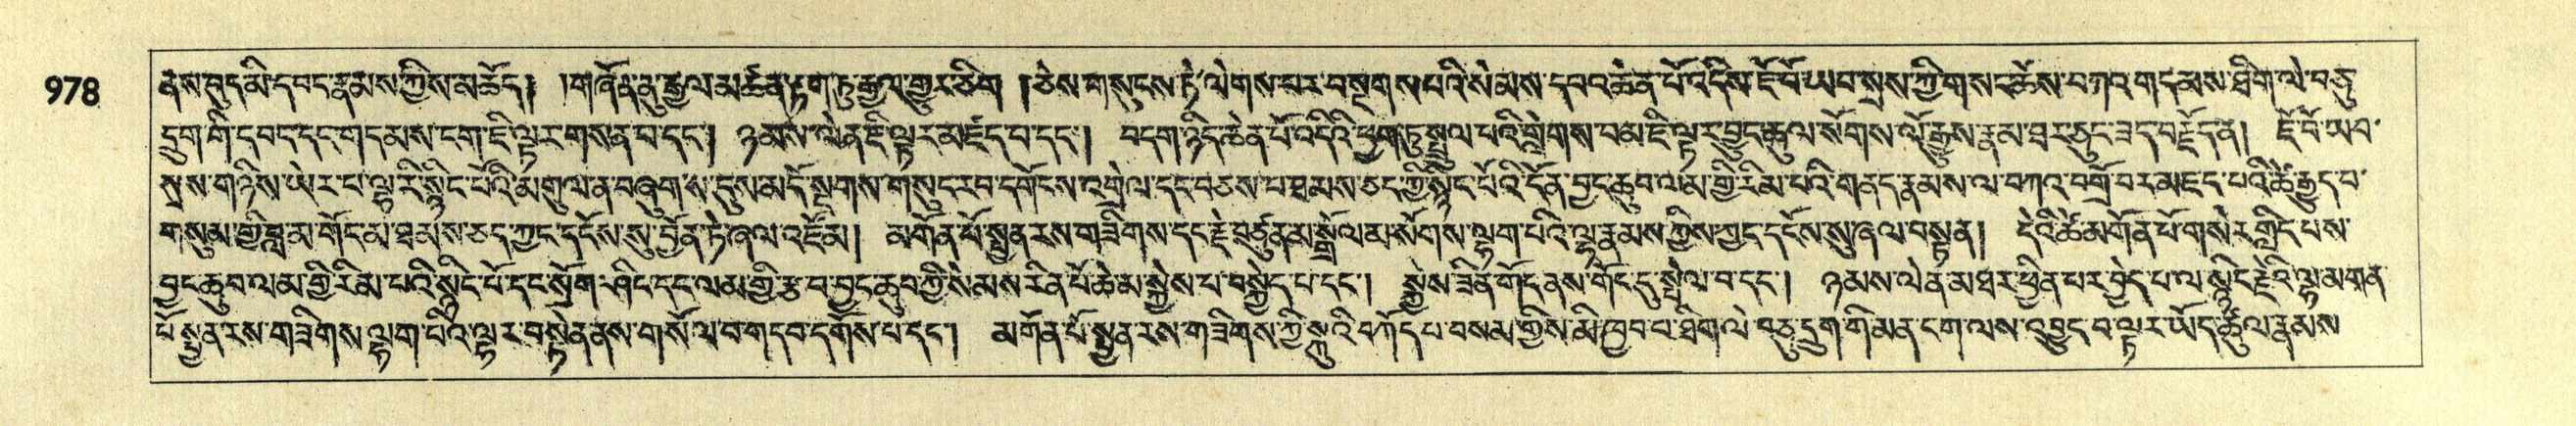ནས་བུད་མི་དབང་རྣམས་ཀྱིས་མཆོད། །གཞོན་ནུ་རྒྱལ་མཚན་རྟག་ཏུ་རྒྱལ་གྱུར་ཅིག །ཅེས་གསུངས་ཏེ་ལེགས་པར་བསྔགས་པའི་སེམས་དཔའ་ཆེན་པོ་འདིས་ཇོ་བོ་ཡབ་སྲས་ཀྱི་གསང་ཆོས་བཀའ་གདམས་ཐིག་ལེ་བཅུ་
དྲུག་གི་དབང་དང་གདམས་ངག་ཇི་ལྟར་གསན་བ་དང་། ཉམས་ལེན་ཇི་ལྟར་མཛད་བ་དང་། བདག་ཉིད་ཆེན་པོ་འདིའི་ཕྱག་ཏུ་སྤྲུལ་པའི་གླེགས་བམ་ཇི་ལྟར་བྱུང་ཆུལ་སོགས་ལོ་རྒྱུས་རྣམ་ཐར་ཅུང་ཟད་བརྗོད་ན། ཇོ་བོ་ཡབ་
སྲས་གཉིས་ཡེར་པ་ལྷ་རི་སྙིང་པོའི་མགུལ་ན་བཞུག་ས་དུས་མདོ་སྔགས་གསུང་རབ་དགོངས་འགྲེལ་དང་བཅས་པ་ཐམས་ཅད་ཀྱི་སྙིང་པོའི་དོན་བྱང་ཆུབ་ལམ་གྱི་རིམ་པའི་གནད་རྣམས་ལ་བཀའ་བགྲོ་བར་མཇད་པའི་ཚེ་རྒྱུད་པ་
གསུམ་གྱི་བླ་མ་གོང་མ་ཐམས་ཅད་ཀྱང་དངོས་སུ་བྱོན་ཏེ་ཞལ་འཛོམ། མགོན་པོ་སྤྱན་རས་གཟིགས་དང་རྗེ་བཙུན་མ་སྒྲོལ་མ་སོགས་ལྷག་པའི་ལྷ་རྣམས་ཀྱིས་ཀྱང་དངོས་སུ་ཞལ་བསྟན། དེའི་ཚེ་མགོན་པོ་གསེར་གླིང་པས་
བྱང་ཆུབ་ལམ་གྱི་རིམ་པའི་སྙིང་པོ་དང་སྲོག་ཤིང་དང་ལམ་གྱི་རྩ་བ་བྱང་ཆུབ་ཀྱི་སེམས་རིན་པོ་ཆེ་མ་སྐྱེས་པ་བསྐྱེད་པ་དང་། སྐྱེས་ཟིན་གོང་ནས་གོང་དུ་སྤེལ་བ་དང་། ཉམས་ལེན་མཐར་ཕྱིན་པར་བྱེད་པ་ལ་སྙིང་རྗེའི་ལྷ་མགན་
པོ་སྤྱན་རས་གཟིགས་ལྷག་པའི་ལྟར་བསྟེན་ནས་གསོལ་བ་གདབ་དགོས་པ་དང་། མགོན་པོ་སྤྱན་རས་གཟིགས་ཀྱི་སྐུའི་བཀོད་པ་བསམ་གྱིས་མི་ཁྱབ་པ་ཐིག་ལེ་བཅུ་དྲུག་གི་མན་ངག་ལས་འབྱུང་བ་ལྟར་ཡོད་ཚུལ་རྣམས་